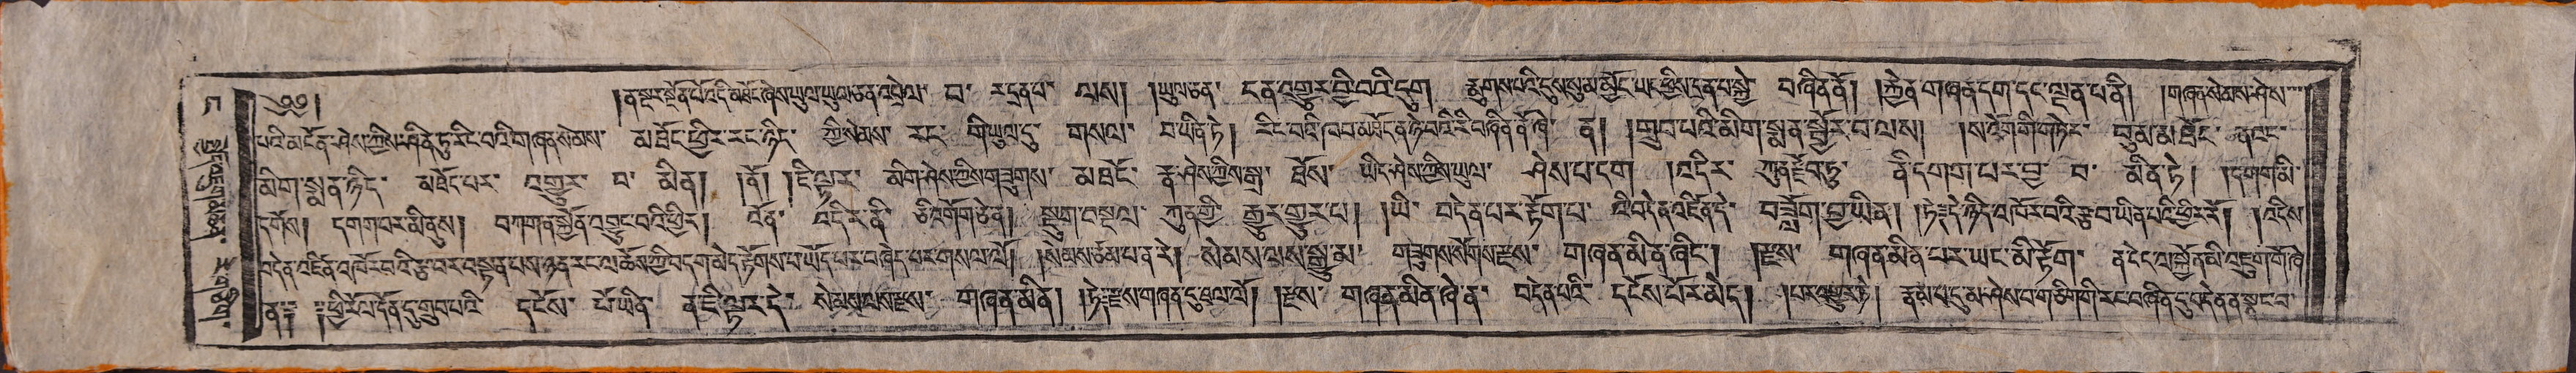༄༅། །ན་སྔར་སྔོན་པོ་འདི་མཐོང་ཞེས་ཡུལ་ཡུལ་ཅན་འབྲེལ་བར་དྲན་བ་ལས། །ཡུལ་ཅན་དྲན་འགྱུར་བྱི་བའི་དུག་རྨུགས་པའི་དུས་སུམ་མྱོང་ཡང་ཕྱིས་དྲན་བསྐྱེ་བཞིན་ནོ། །རྐྱེན་གཞན་དག་དང་ལྡན་པ་ནི། །གཞན་སེམས་ཤེས་
པའི་མངོན་ཤེས་ཀྱིས་ཤིན་ཏུ་རིང་བའི་གཞན་སེམས་མཐོང་ཕྱིར་རང་ཉིད་ཀྱི་སེམས་རང་གི་ཡུལ་དུ་གསལ་བ་ཡིན་ཏེ། རིང་བའི་ཁབ་མཐོང་ན་ཉེ་བའི་རི་བཞིན་ནོ་ཞེ་ན། །གྲུབ་པའི་མིག་སྨན་སྦྱོར་བ་ལས། །ས་འོག་གི་གཏེར་བུམ་མཐོང་ནའང
མིག་སྨན་ཉིད་མཐོང་བར་འགྱུར་བ་མིན། །ནོ།  །ཇི་ལྟར་མིག་ཤེས་ཀྱིས་གཟུགས་མཐོང་རྣ་ཤེས་ཀྱིས་སྒྲ་ཐོས་ཡིད་ཤེས་ཀྱིས་ཡུལ་ཤེས་པ་དག །འདིར་ཀུན་རྫོབ་ཏུ་ནི་དགག་པར་བྱ་བ་མིན་ཏེ། །དགག་མི་
དགོས། དགག་པར་མི་ནུས། བཀག་ན་སྐྱོན་འབྱུང་བའི་ཕྱིར། འོ་ན། འདིར་ནི་ཅི་འགོག་ཅེ་ན།  སྡུག་བསྔལ་ཀུན་གྱི་རྒྱུར་གྱུར་པ། །ཡི་བདེན་པར་རྟོག་པའི་བདེན་འཛིན་དེ་བཟློག་བྱ་ཡིན། །ཏེ༑ དེ་ཉིད་འཁོར་བའི་རྩ་བ་ཡིན་པའི་ཕྱིར་རོ། །འདིས་
བདེན་འཛིན་འཁོར་བའི་རྩ་བར་བསྟན་པས་ཉན་རང་ལ་ཆོས་ཀྱི་བདག་མེད་རྟོགས་པ་ཡོད་པར་བཞེད་པར་གསལ་ལོ། །སེམས་ཙམ་པ་ན་རེ། སེམས་ལས་སྒྱུ་མ་གཟུགས་སོགས་རྫས་གཞན་མིན་ཞིང་། །རྫས་གཞན་མིན་པར་ཡང་མི་རྟོག་ན་དེད་ལ་སྐྱོན་མི་འཇུག་གོ་ཞེ་
ན༑ ༑ཕྱི་རོལ་དོན་དུ་གྲུབ་པའི་དངོས་པོ་ཡིན་ན་ཇི་ལྟར་དེ་སེམས་ལས་རྫས་གཞན་མིན། །ཏེ༑ རྫས་གཞན་དུ་ཐལ་ལོ། །རྫས་གཞན་མིན་ཞེ་ན། བདེན་པའི་དངོས་པོར་མེད། །པར་འགྱུར་ཏེ། རྣམ་པ་དུ་མ་ཤེས་པ་གཅིག་གི་རང་བཞིན་དུ་བདེན་ན་སྣང་བ་